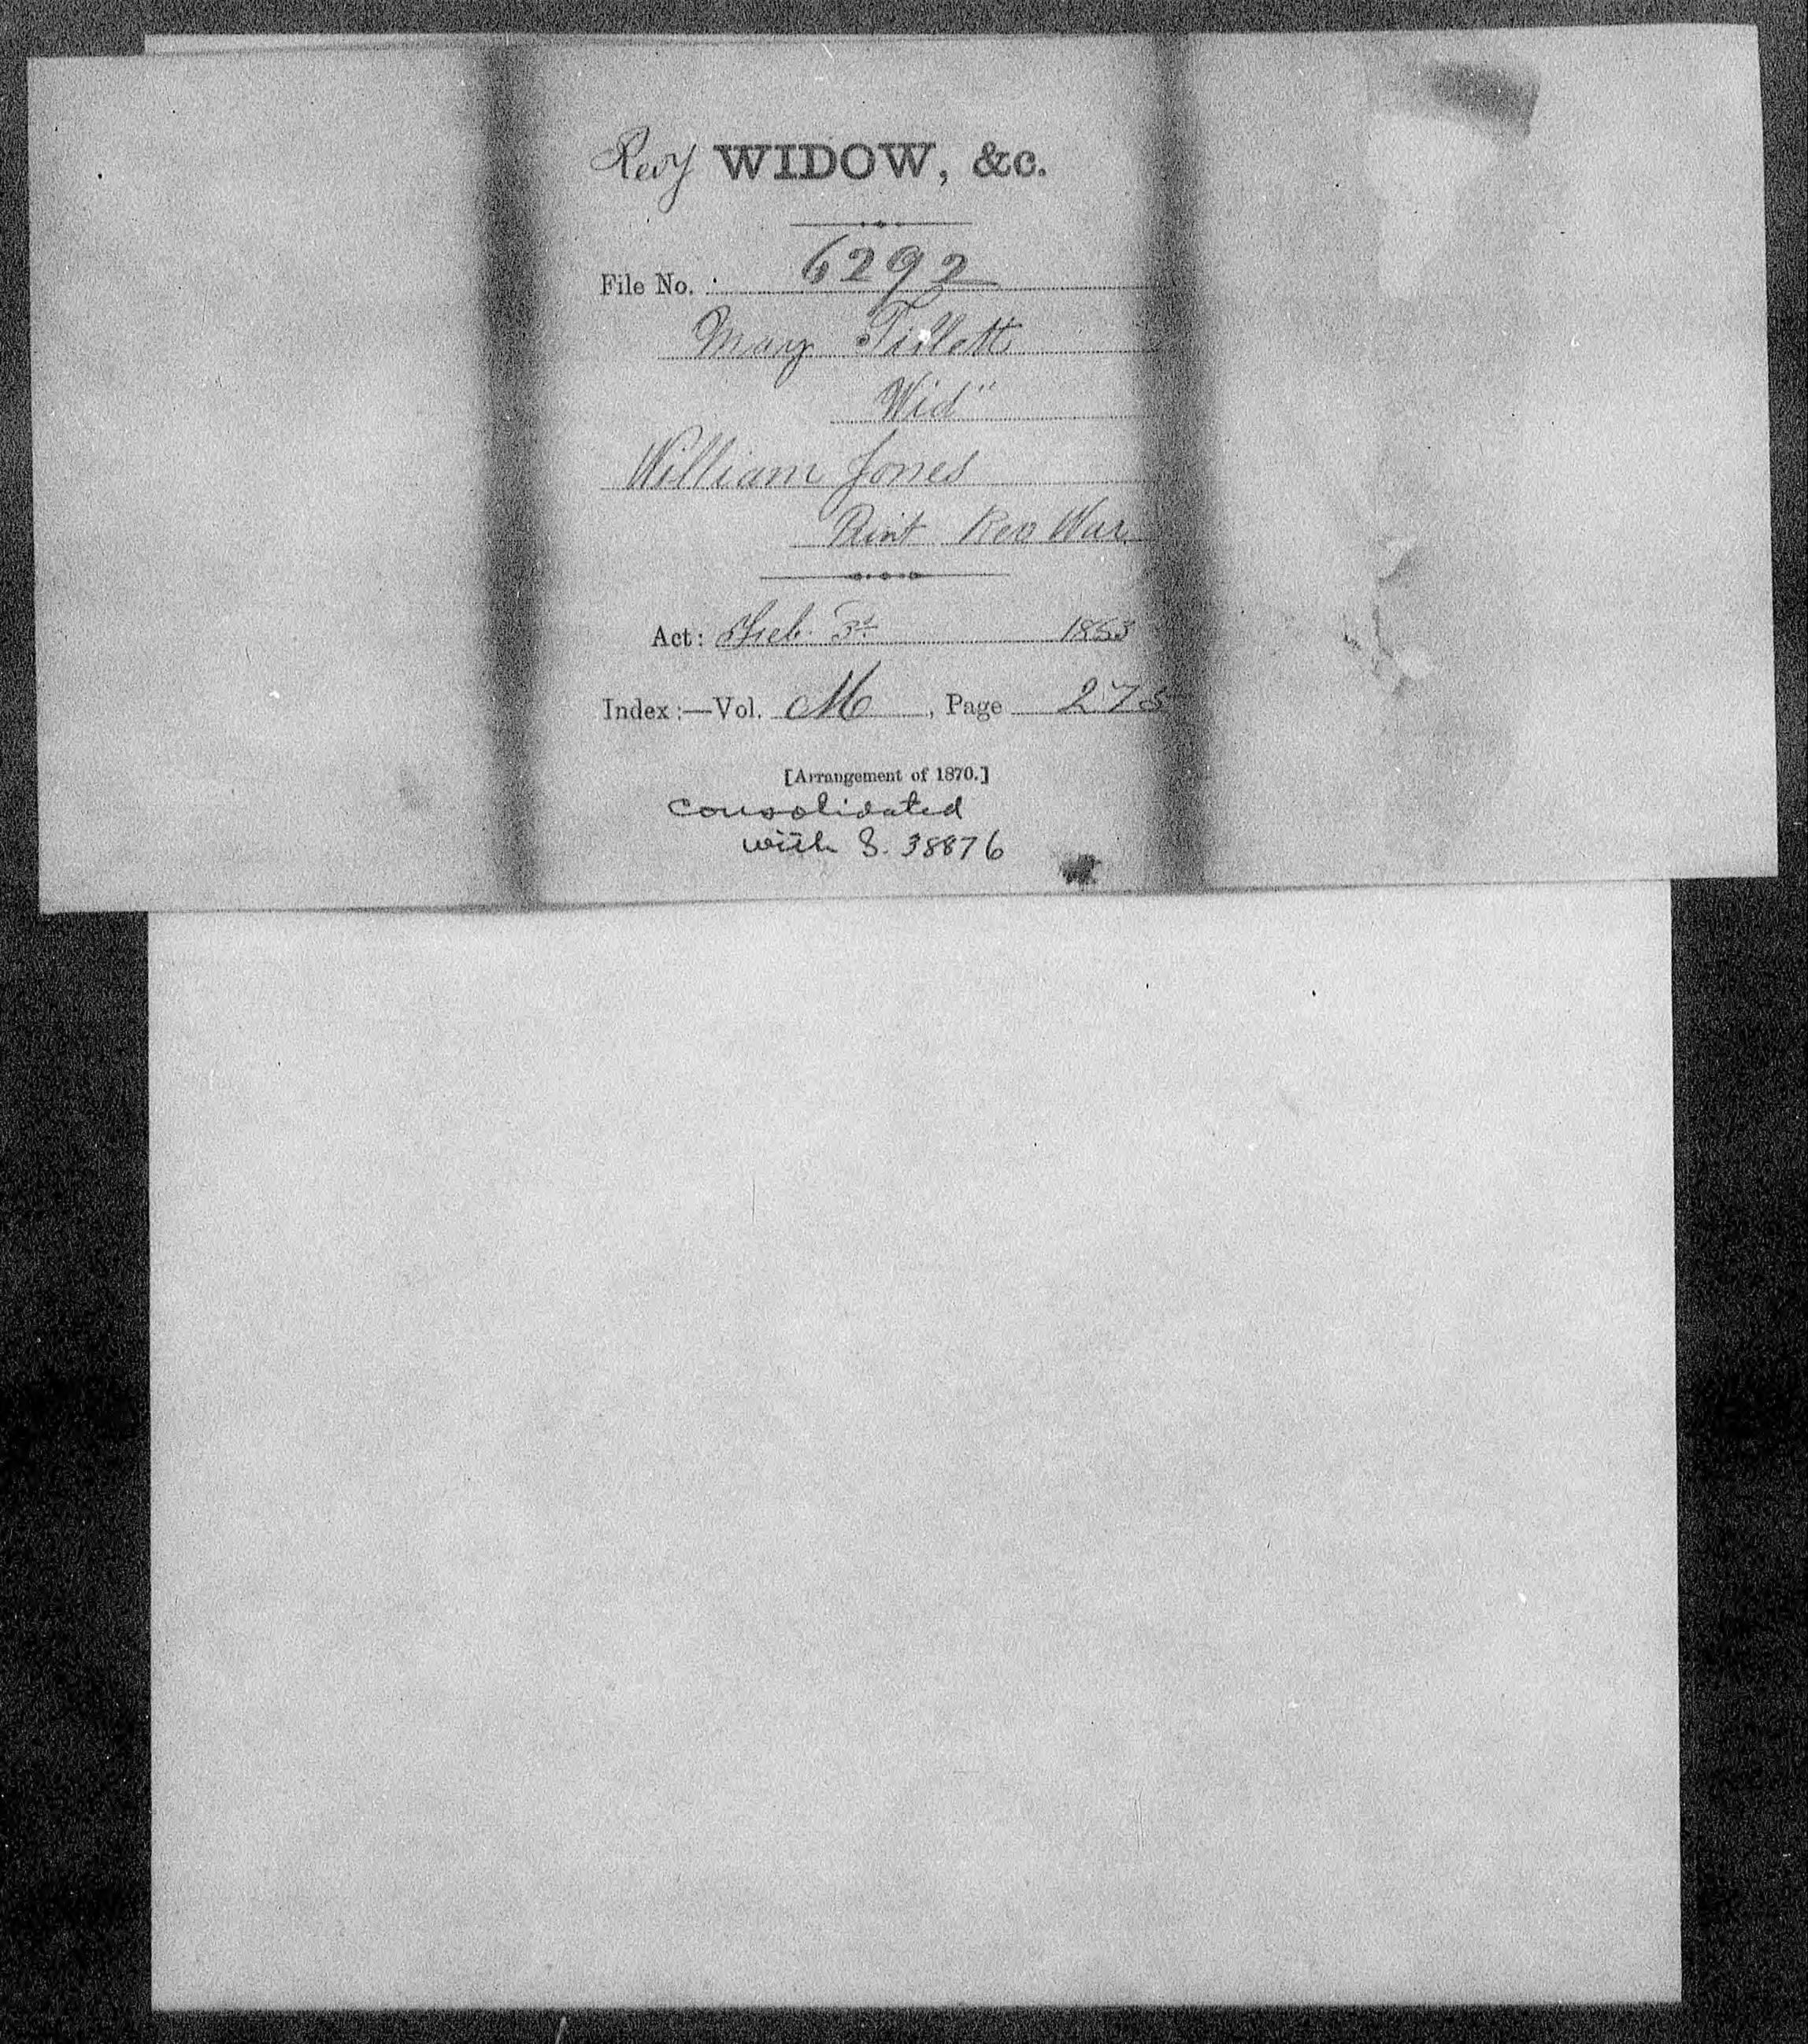Revy WIDOW, &c.

File No.  6292
Mar Tillett
Wid"
William Jones
Privt Rev War

Act: Feb 3d. 1853

Index: -- Vol. M, Page 275

[Arrangement of 1870.]
consolidated with S. 38876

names: William Jones; Mary Tillett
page: 25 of 39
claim: widow's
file: W 6292, for William Jones, Maryland